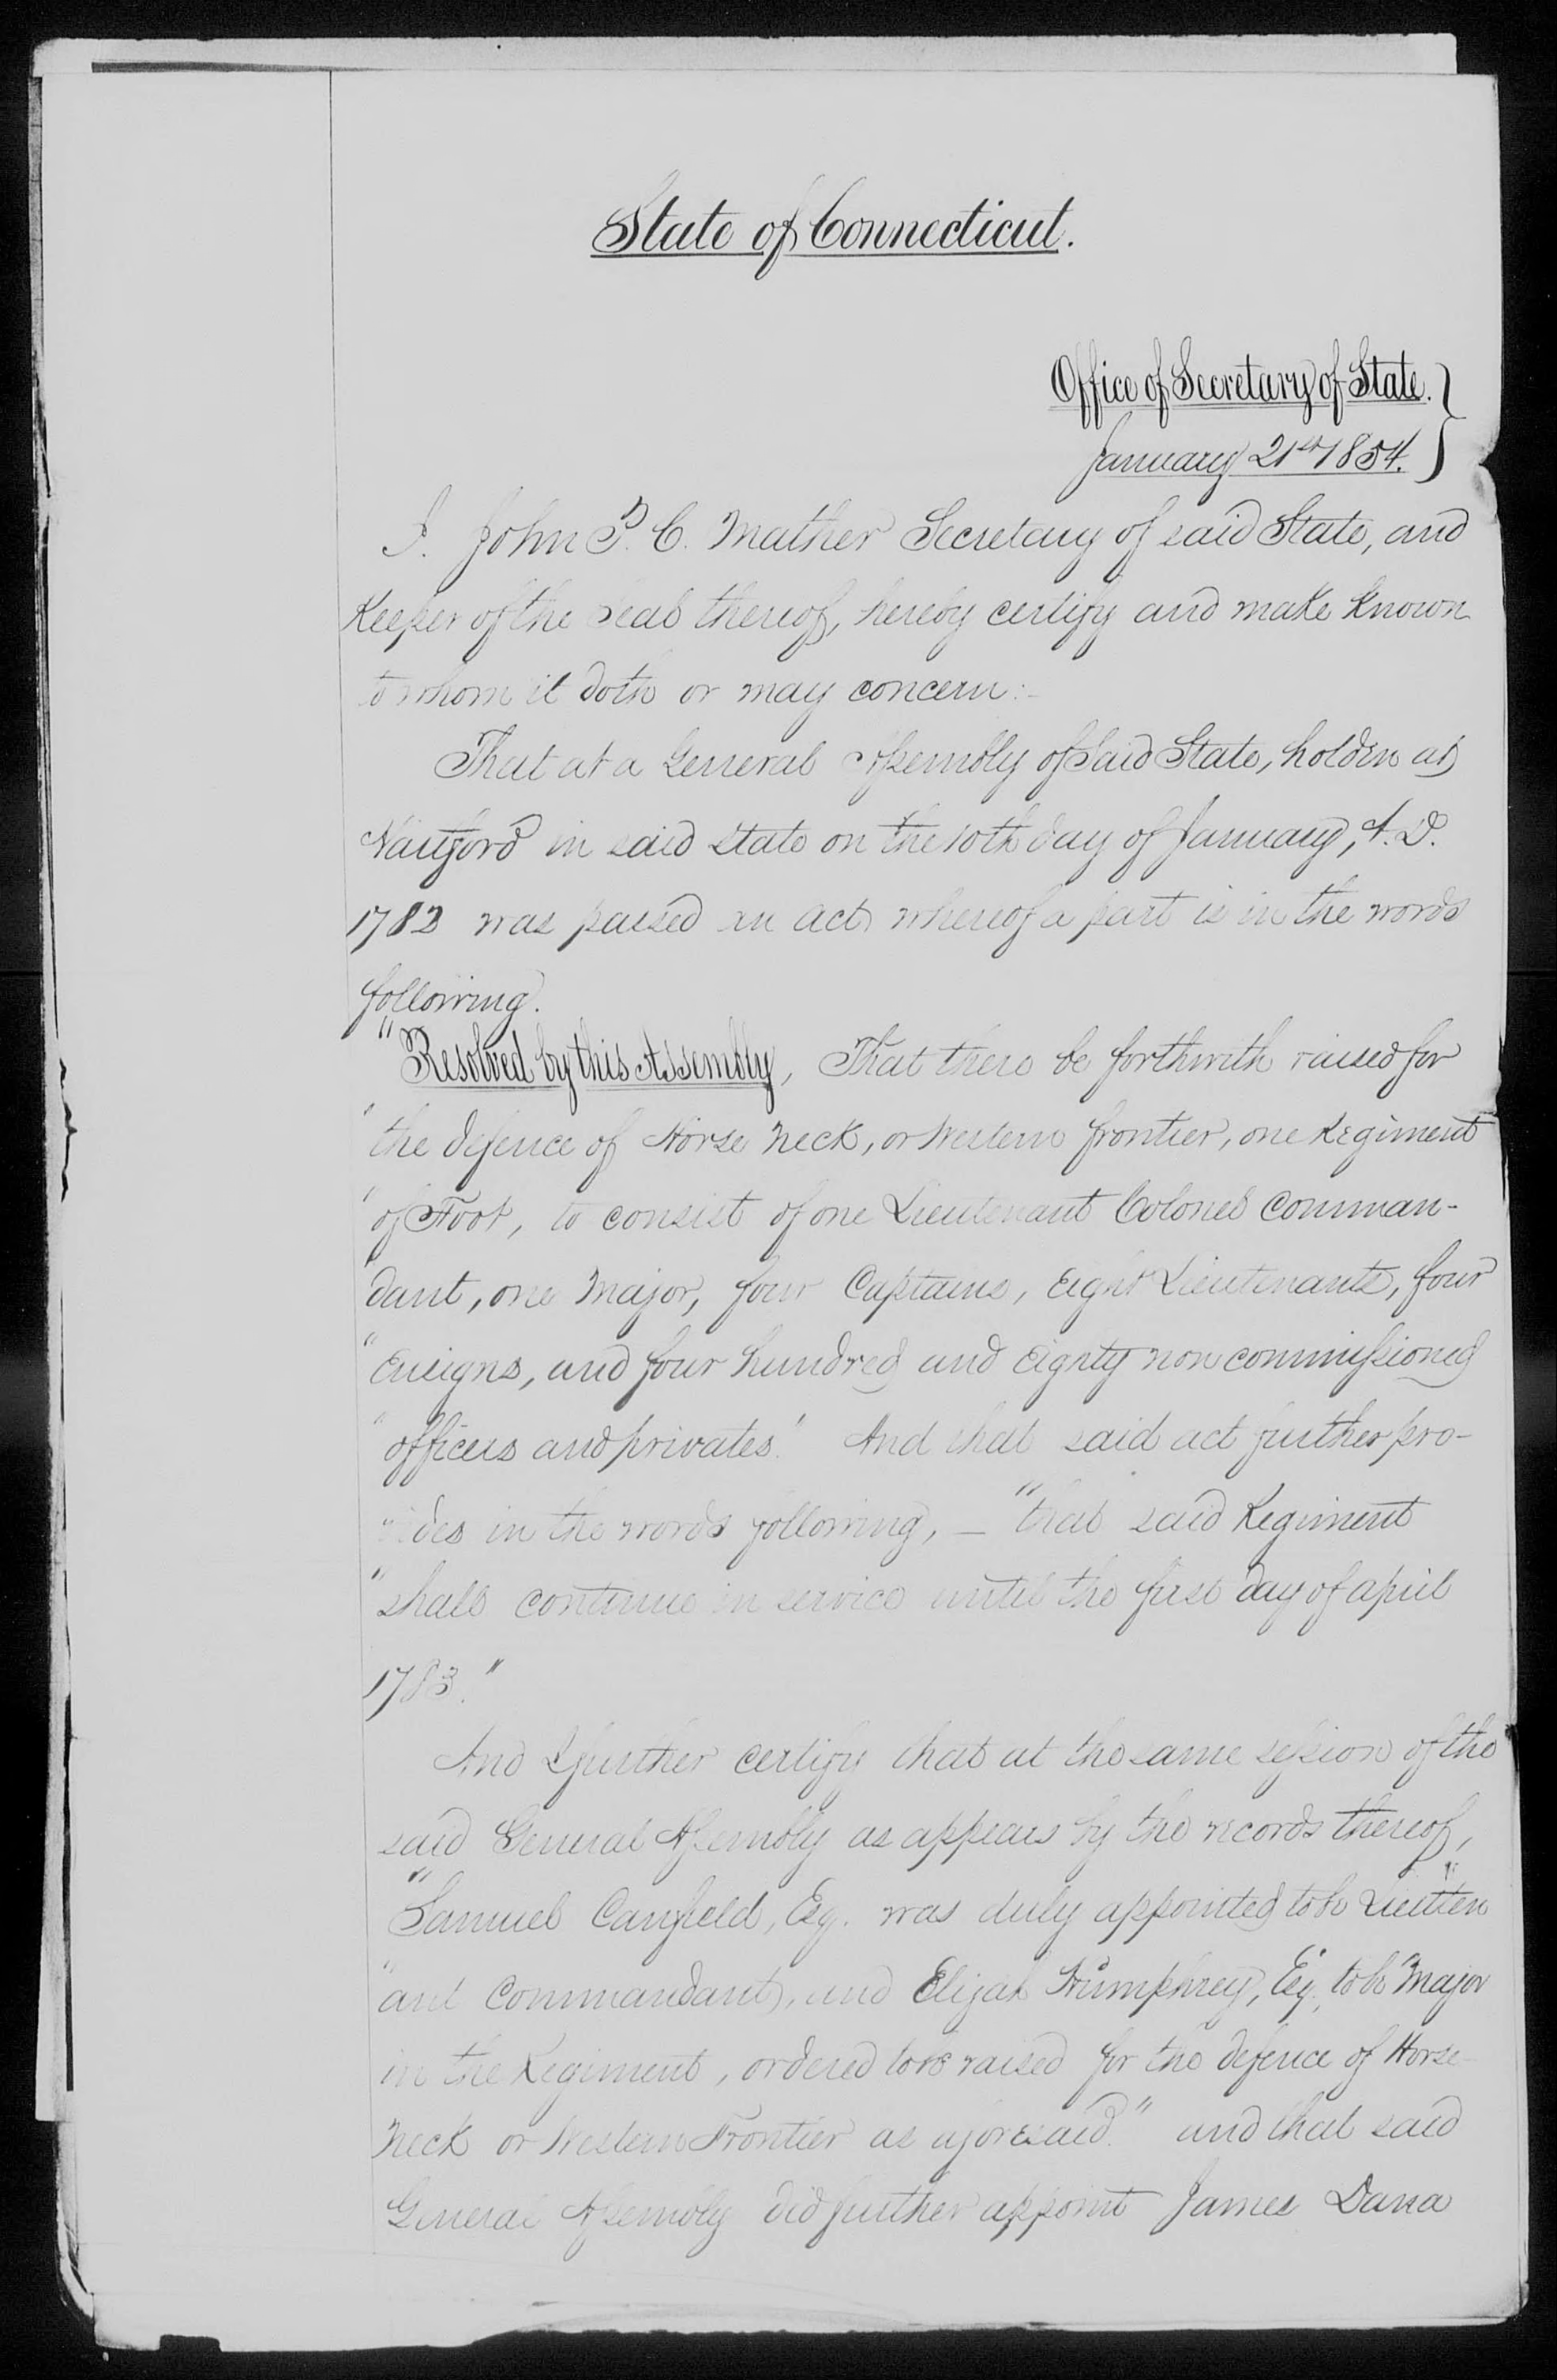State of Connecticut.

Office of Secretary of State.
January 21st 1854.

I, John P. C. Mather Secretary of said State, and Keeper of the seal thereof, hereby certify and make known to whom it doth or may concern:-
That at a General Assembly of said State, holden at Hartford in said State on the 10th day of January, A.D. 1782 was passed an act whereof a part is in the words following.
"Resolved by this Assembly, That there be forthwith raised for the defence [defense] of Horse Neck, or western frontier, one Regiment of Foot, to consist of one Lieutenant Colonel Commandant, one major, four Captains, Eight Lieutenants, for Ensigns, and four hundred and eighty noncommissioned officers and privates." And that said act further provides in the words following,- "that said Regiment shall continue in service until the first day of April 1783."
And I further certify that at the same session of the said General Assembly as appears by the records thereof, "Samuel Canfield, Esq. was duly appointed to the LieutCon and Commandant, and Elijah Humphrey, Esq. to be major in the Regiment, ordered to be raised for the defence [defense] of Horse Neck of Western Frontier as aforesaid." and that said General Assembly did further appoint James Dana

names: John P C Mather, Elijah Humphrey, Samuel Canfield, James Dana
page: 84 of 106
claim: survivor's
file: S 23,116., Joshua Benedict, Conn.